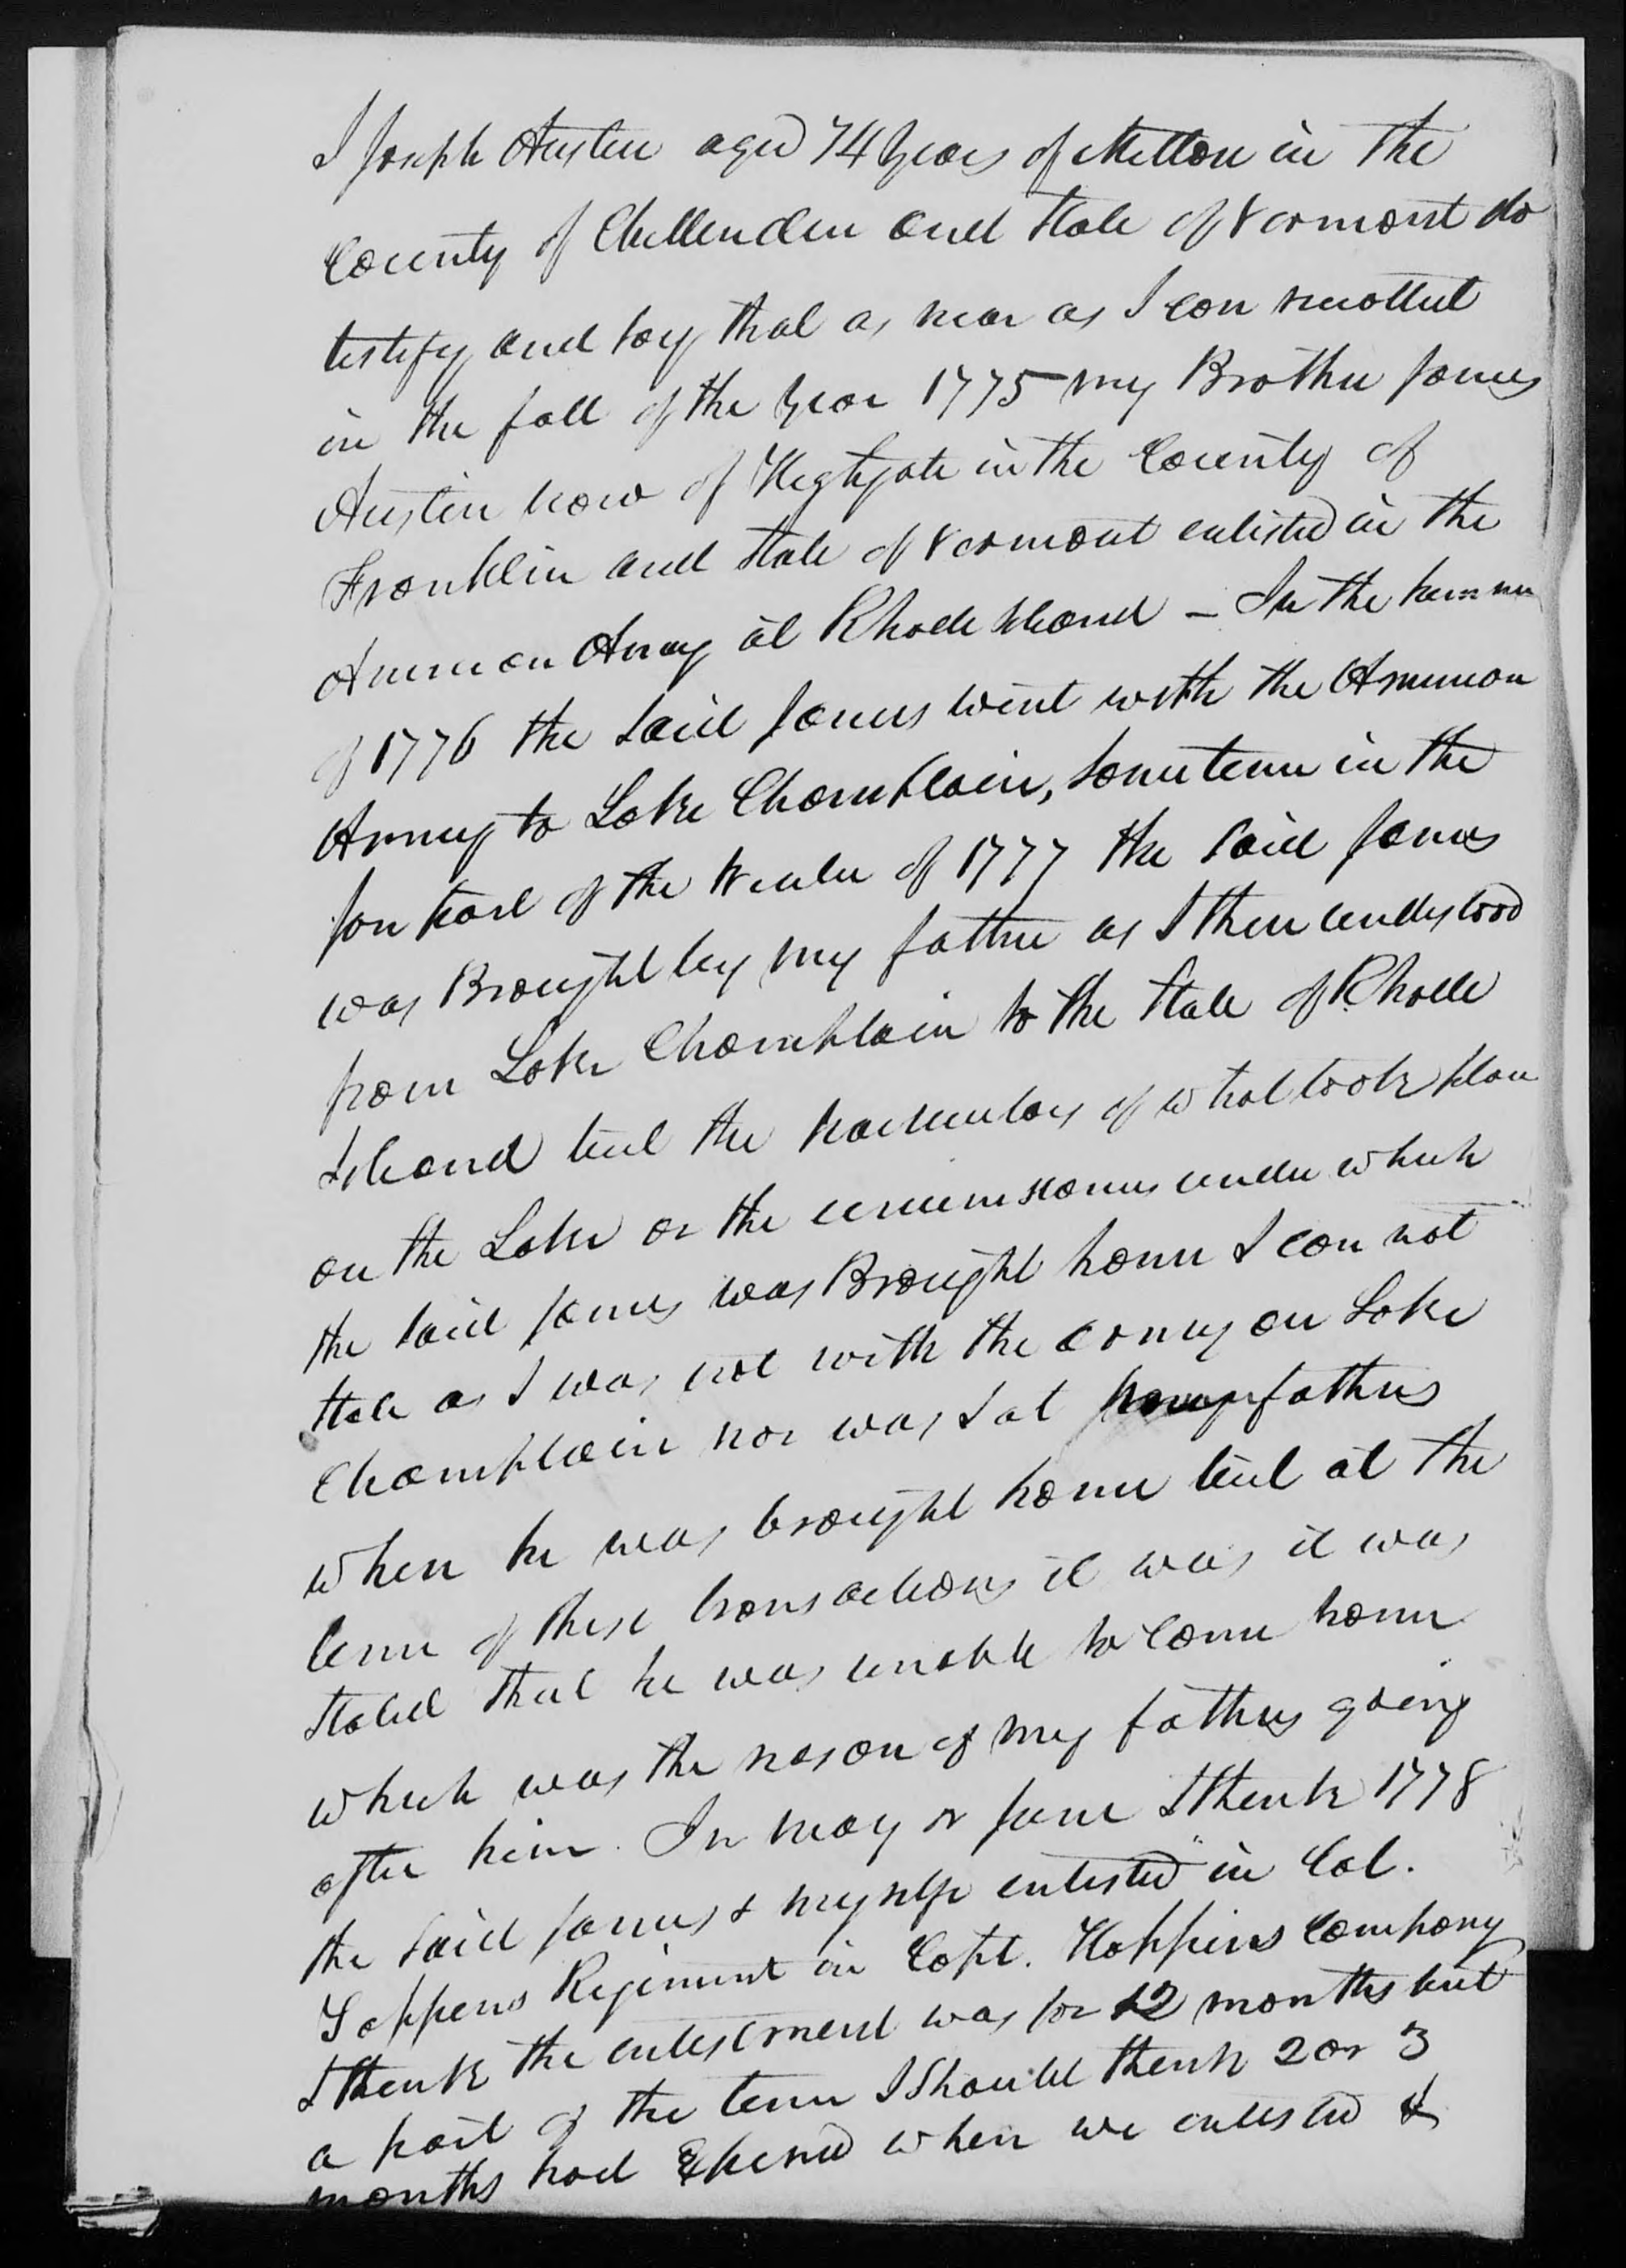I Joseph Austin age 74 years of Milton in the County of Chillender and State of Vermont testify and say that as near as I can recollect in the fall of the year 1775 my Brother James Austin now of Highgate in the County of Franklin and State of Vermont enlisted in the American Army at Rhode Island - In the [illegible] of 1776 the said James went with the American Army to Lake Champlain, sometime in the [illegible] of the year of 1777 the said James was Brought by my father as I then [illegible] from Lake Champlain to the State of Rhode Island but the particulars of what took place on the Lake or the circumstances under which the said James was Brought home I can not state as I was not with the army on Lake Champlain nor was I at my fathers when he was brought home but at the term of these transactions it was it was stated that he was unable to come home which was the reason of my father going after him. In May or June I think 1778 the said James & his [illegible] entered in Col. Toppens Regiment in Capt. Hopkins company I think the enlistment was for 12 months but a [illegible] of the term I should think 2 or 3 months had expired when he enlisted &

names: Joseph Austin, James Austin, James, James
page: 12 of 100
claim: survivor's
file: S 19186, James Austin, Conn. New York R.I.